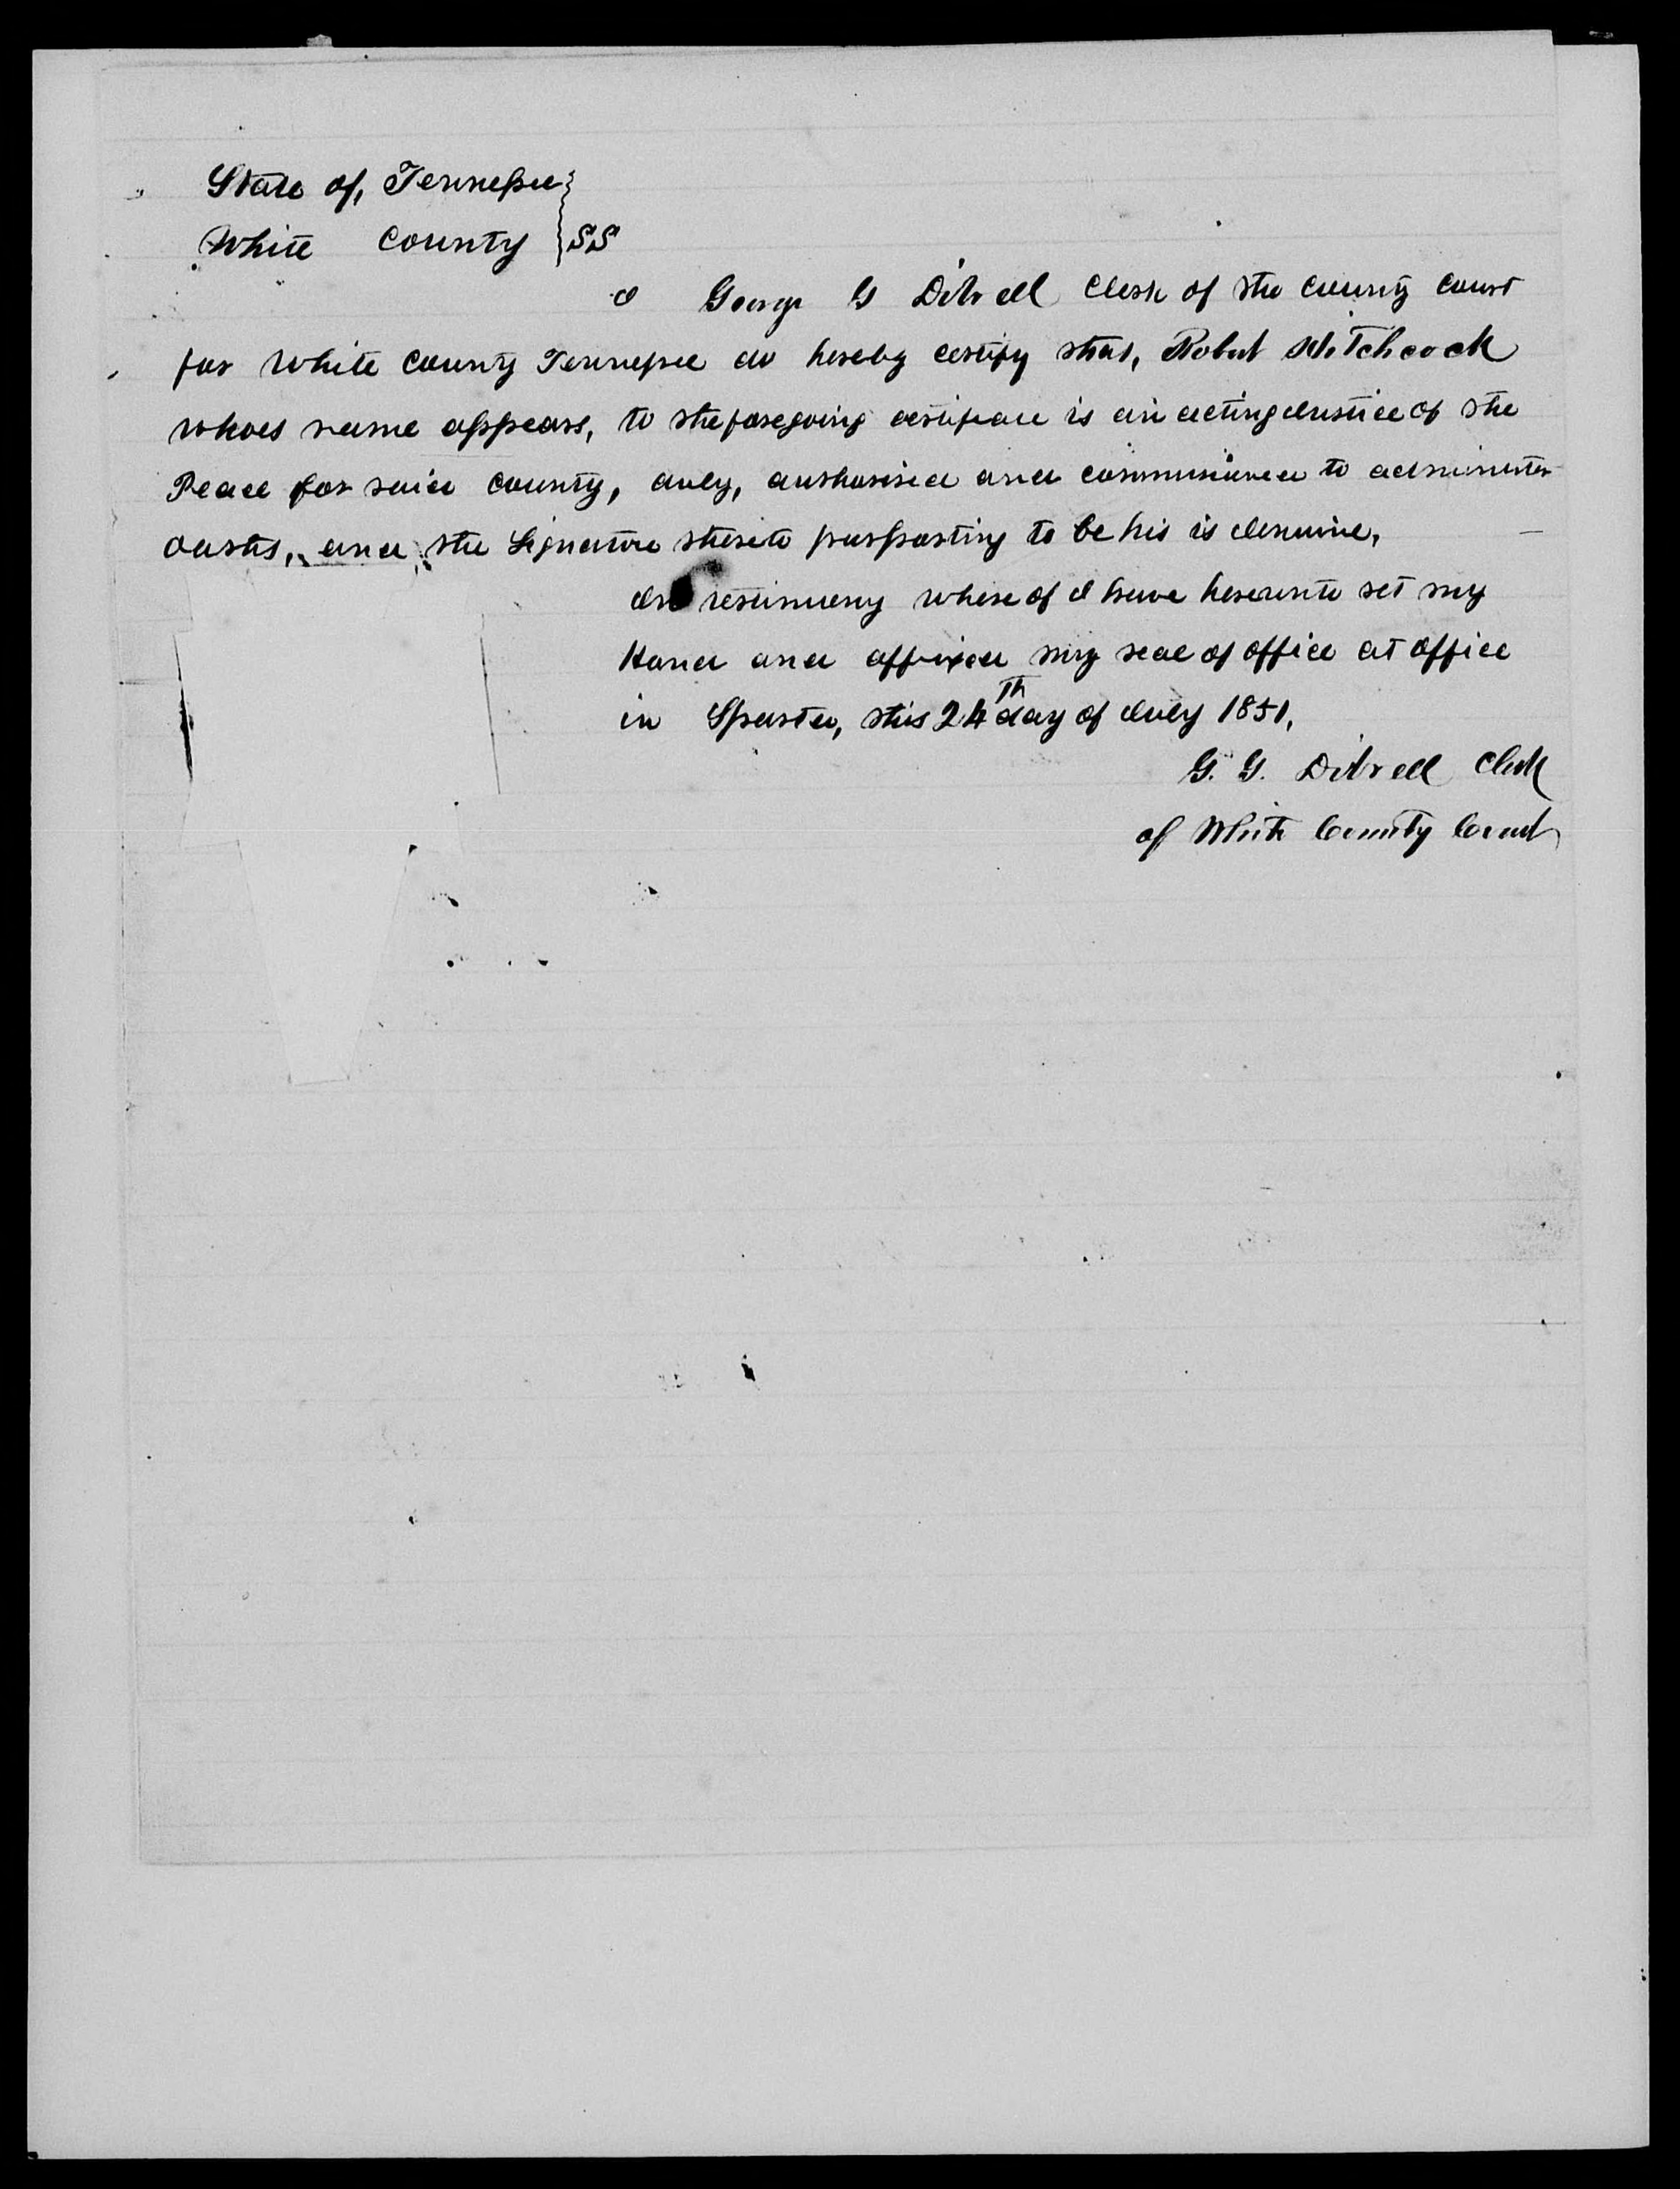State of Tennessee  )
White County          )SS
I George G Dibrell Clerk of the county court
for White County Tennessee do hereby certify that Robert Hitchcock
whoes [whose] name appears to the foregoing certificate is an acting Justice of the
Peace for said county, duly authorised [authorized] and commissioned to administer
oaths, and the Signature thereto purporting to be his is genuine.
In testimony whereof I have hereunto set my
Hand and affixed my seal of office at office
in Sparta, this 24th day of July 1851
G. G. Dibrell Clerk
of White County Court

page: 120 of 120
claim: widow's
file: W. 1044, for Salathiel Martin, North Carolina